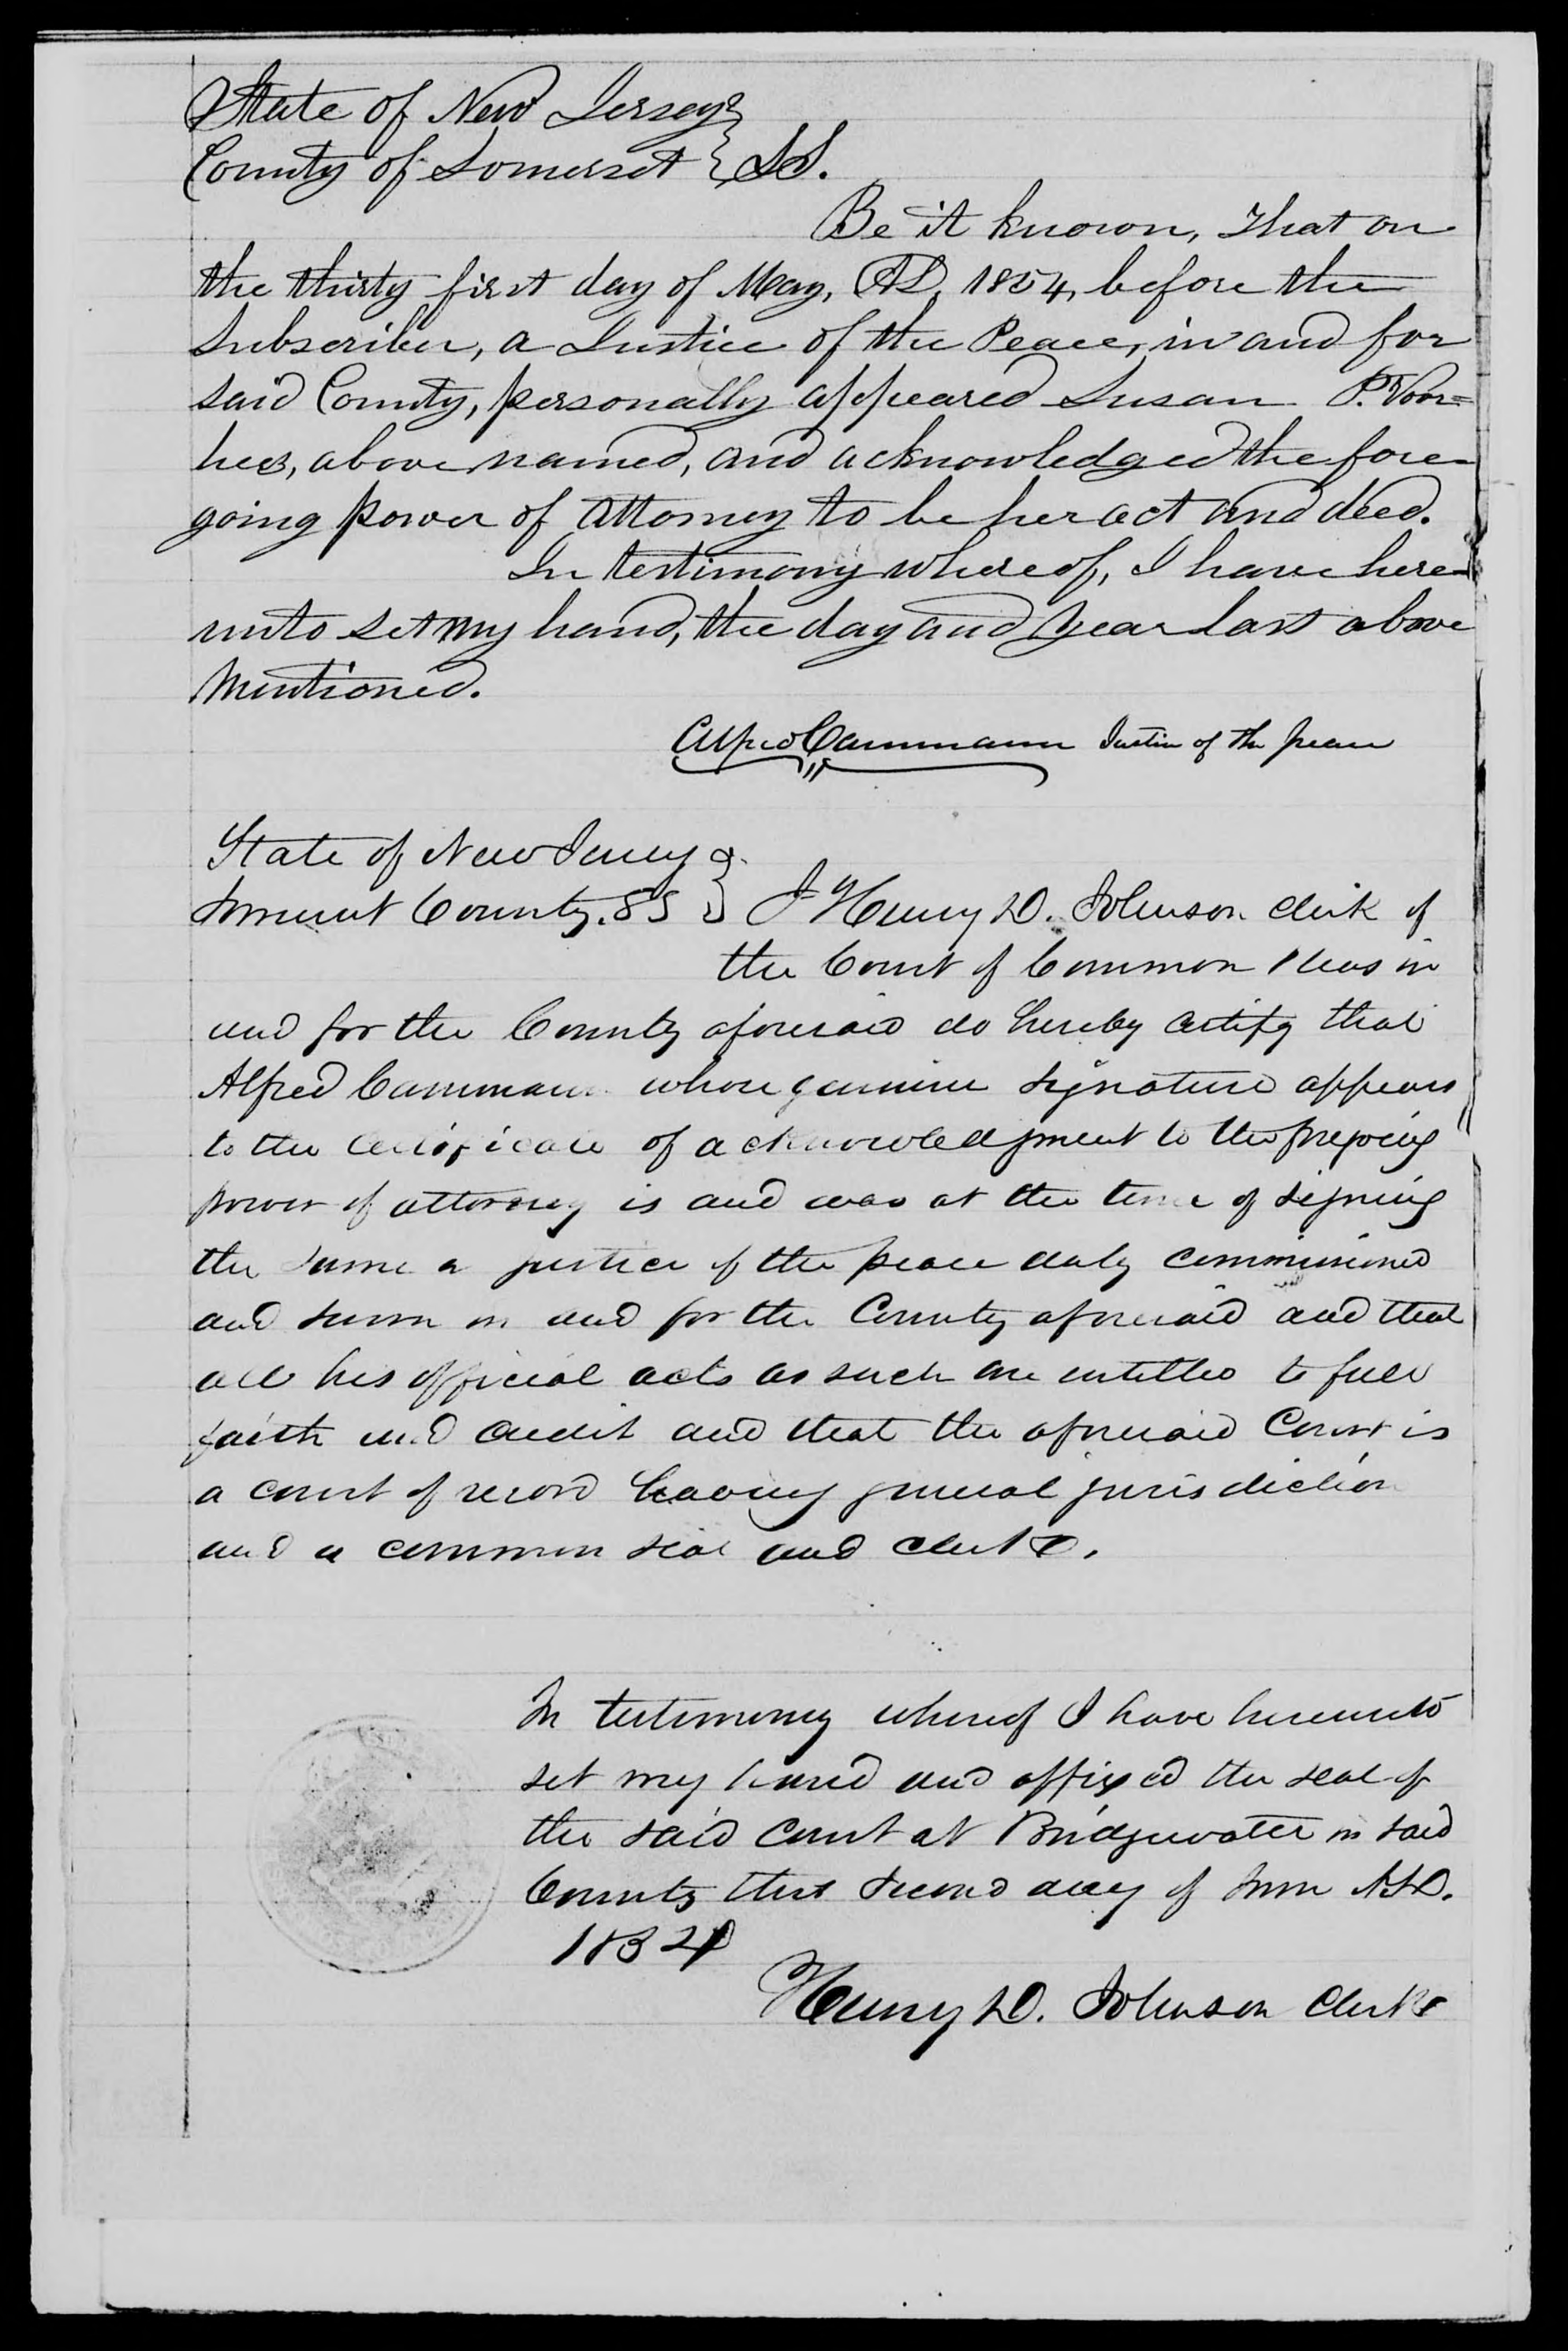State of New Jersey
County of Somerset SS.
Be it known, That on the thirty first day of May, AD. 1854, before the Subscriber, a Justice of the Peace, in and for said County, personally appeared Susan P. Voorhees, above named, and acknowledged the foregoing power of attorney to be her act and deed.

In testimony whereof, I have hereunto set my hand, the day and year last above mentioned.
Alfred Cammann Justice of the peace

State of New Jersey
Somerset County, SS }
I Henry D. Johnson Clerk of the Court of Common Pleas in and for the County aforesaid do hereby certify that Alfred Cammann whose genuine signature appears to the certificate of acknowledgment to the foregoing power of attorney is and was at the time of signing
the same a justice of the peace duly commissioned and sworn in and for the County aforesaid and that all his official acts as such are entitled to full faith and credit and that the aforesaid Court is a court of record having general jurisdiction and a common seal and Clerk.

In testimony whereof I have hereunto
set my hand and affixed the seal of
the said Court at Bridgewater in said
County this Second day of June AD.
1834
Henry D. Johnson Clerk
[seal affixed at left]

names: Susan P Voorhees, Henry D Johnson, Henry D Johnson, Alfred Cammann, Alfred Cammann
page: 71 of 77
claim: widow's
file: W. 417, William De Groot, New Jersey